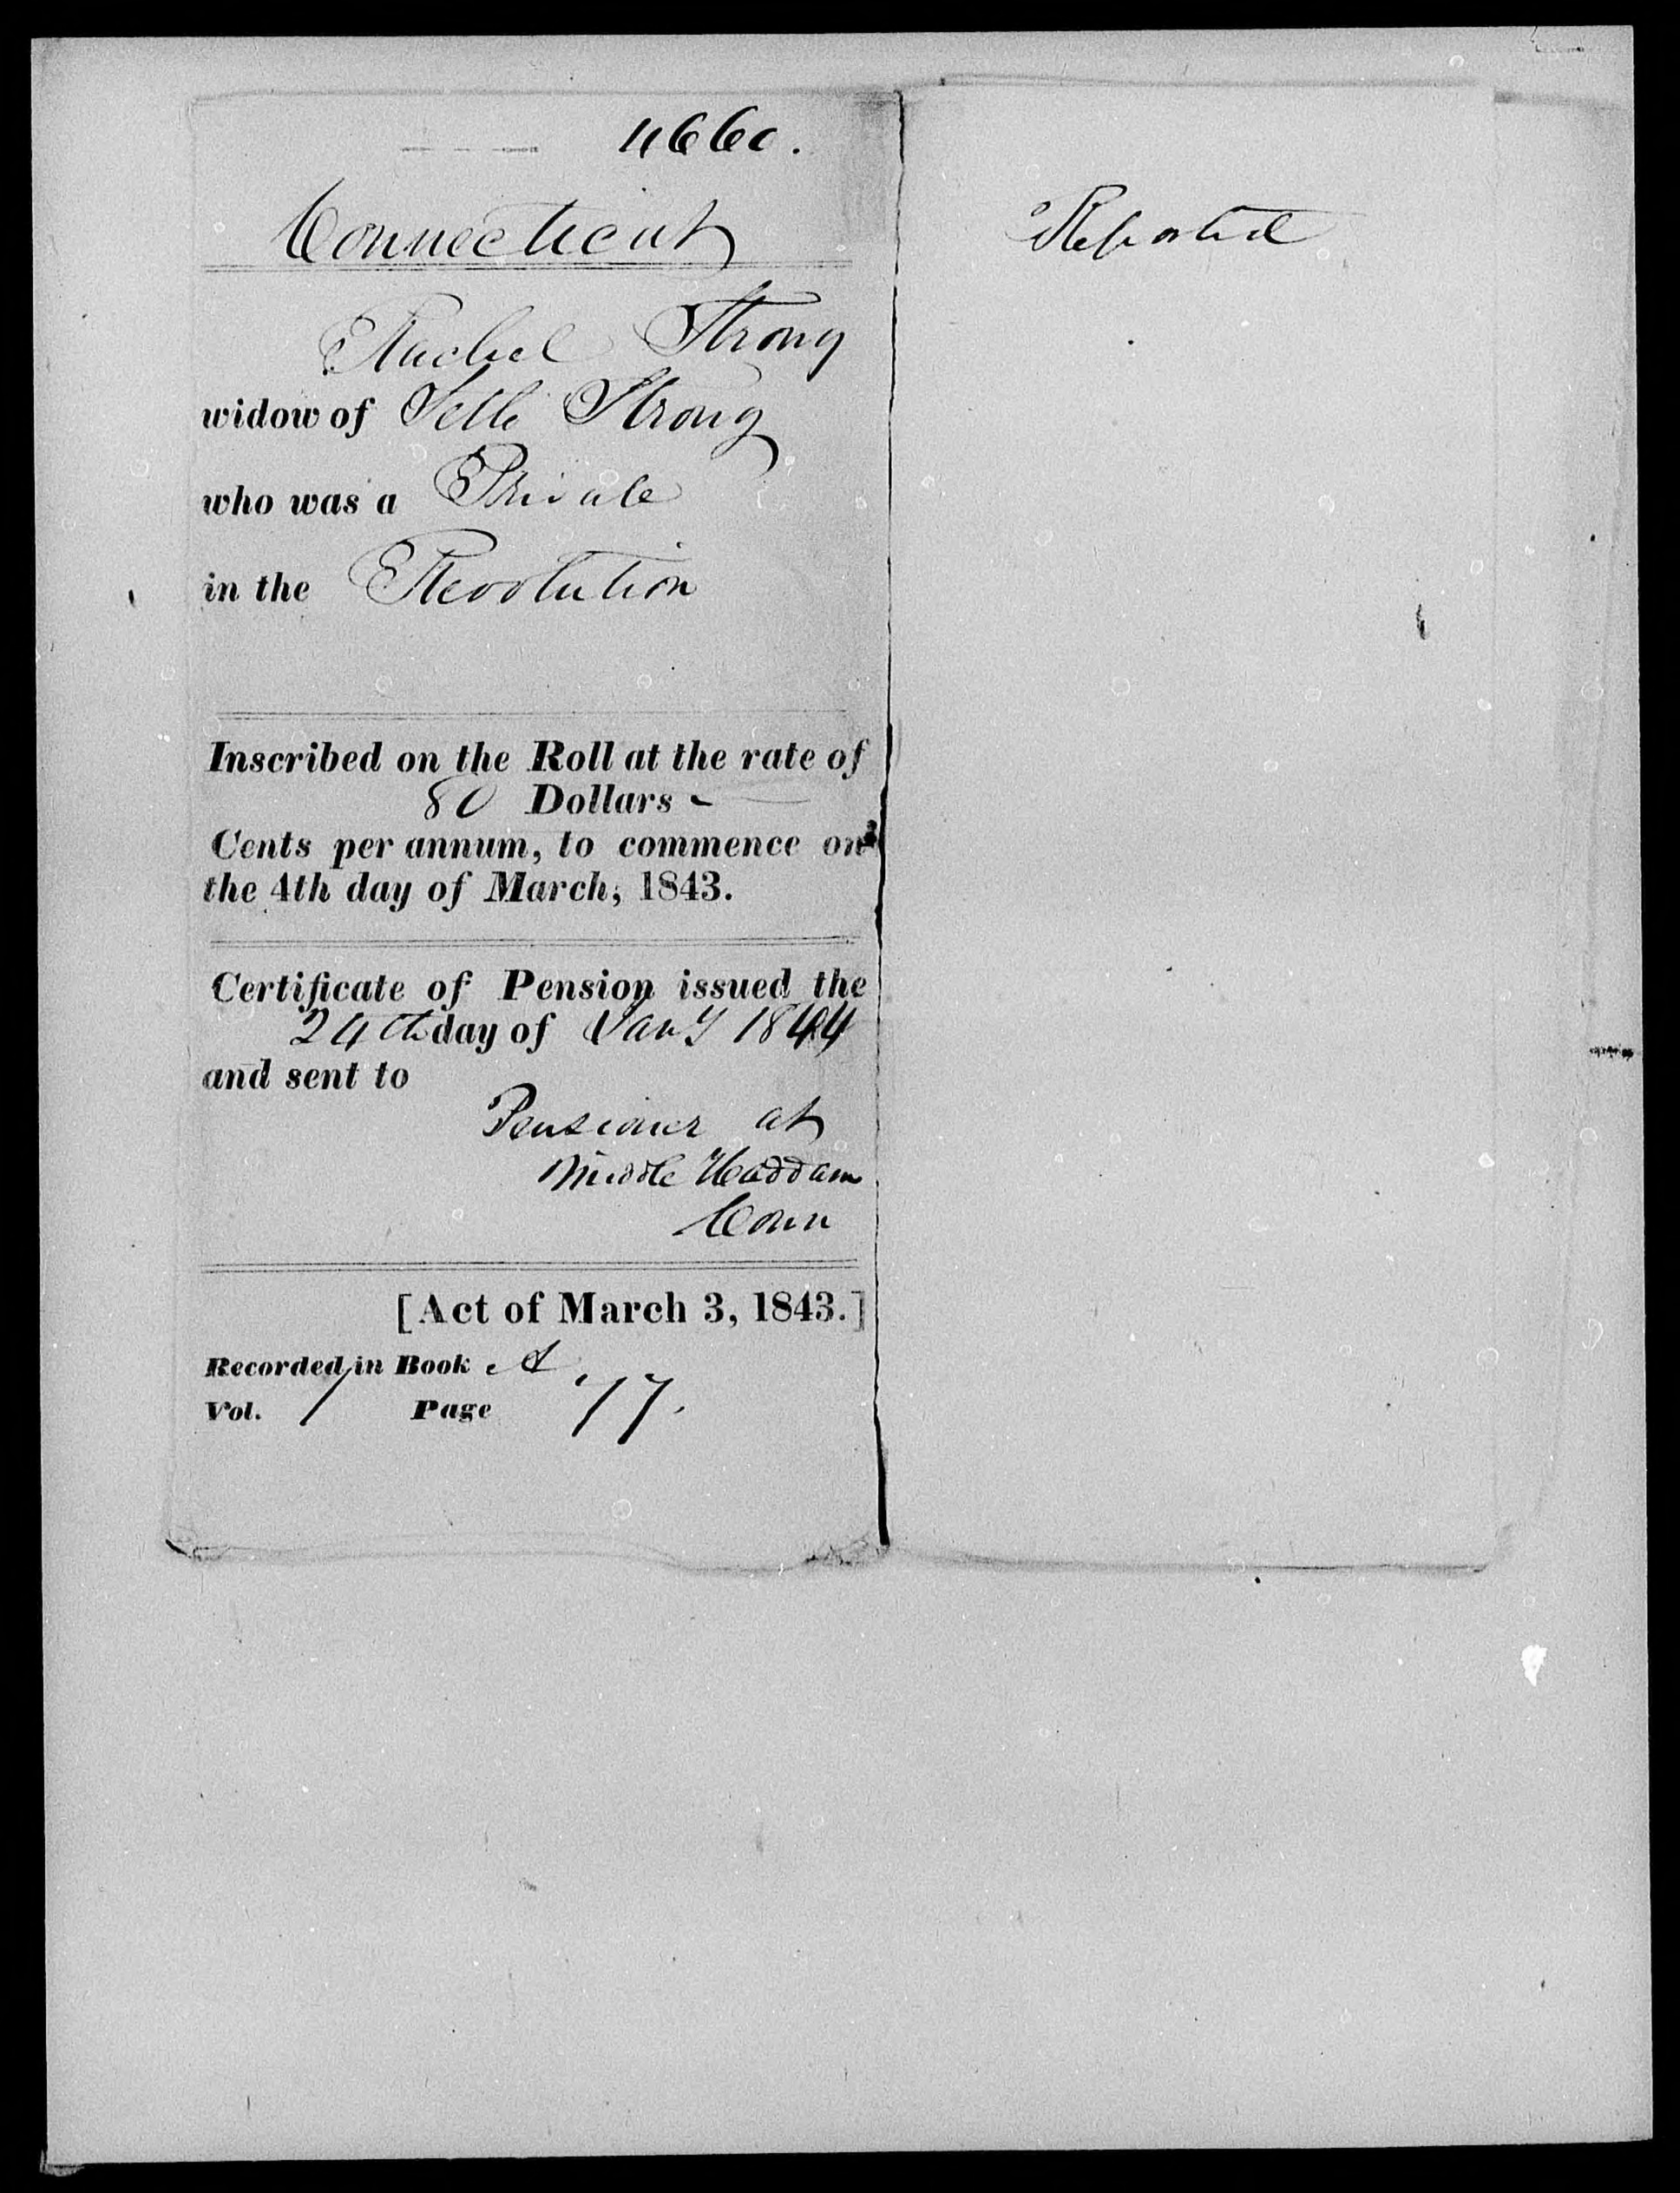4660.

Connecticut

Rachel Strong
widow of Seth Strong
who was a Private
in the Revolution

Inscribed on the Roll at the rate of
80 Dollars -
Cents per annum, to commence on
the 4th day of March, 1843.

Certificate of Pension issued the
24th day of Jany 1844
and sent to
Pensioner at
Middle Haddam
Conn

Act of March 3, 1843.
Recorded in Book A
Vol. 1 Page 77.

Reported.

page: 20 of 47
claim: widow's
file: W. 17879, for Seth Strong, Connecticut